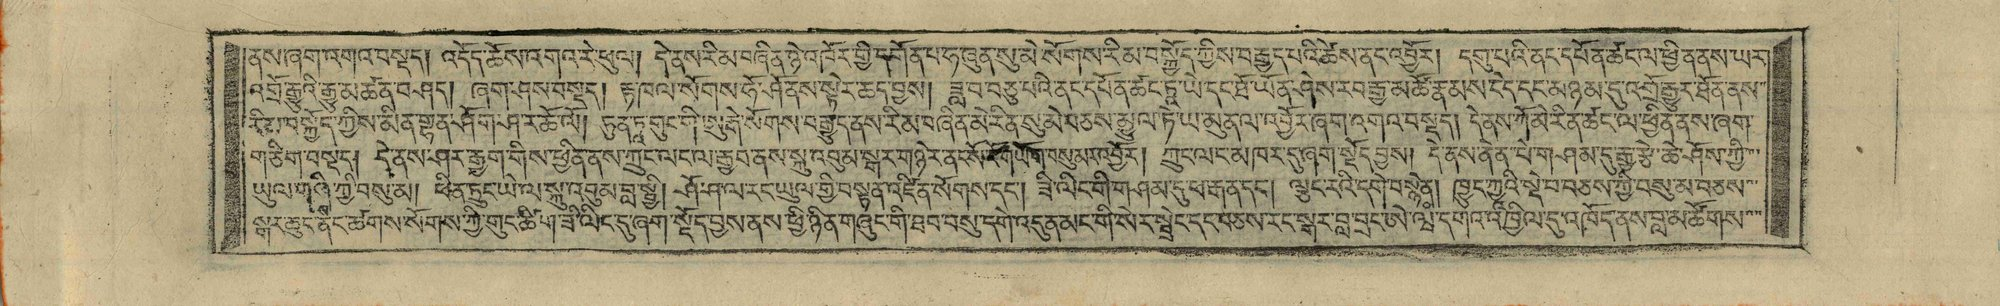ནས་ཞག་འགའ་བསྡད། འདོད་ཆོས་འགའ་རེ་ཕུལ། དེ་ནས་རིམ་བཞིན་ཉེ་འཁོར་གྱི་དགོན་པ་ཧ་ཞུན་སུ་མེ་སོགས་རིམ་བསྐྱོད་ཀྱིས་བརྒྱད་པའི་ཚེས་ནང་འབྱོར། དགུ་པའི་ནང་དཔོན་ཚང་ལ་ཕྱིན་ནས་ཡར་
འགྲོ་རྒྱུའི་རྒྱུ་མཚན་བཤད། ཞག་ཤས་བསྡད། རྟ་ཁལ་སོགས་ཧོ་ཤོ་ནས་སྟེར་ཆད་བྱས། ཟླ་བ་བཅུ་པའི་ནང་དཔོན་ཚང་ཏཱ་ཡེ་དང་ཐོ་ཡོན་ཤེས་རབ་རྒྱ་མཚོ་རྣམས་ངེད་དང་མཉམ་དུ་འགྲོ་རྒྱུར་ཐོན་ནས་
རིམ་བསྐྱོད་ཀྱིས་མིན་གྷན་ཤོག་ཤ་ར་ཆོ་ལོ། ཏུན་ཏཱ་གུང་གི་ཨུརྒེ་སོགས་བརྒྱུད་ནས་རིམ་བཞིན་མེ་རིན་སུ་མེ་བཅས་མྱུལ་ཏེ་ཡ་མུན་ལ་འབྱོར་ཞག་འགའ་བསྡད། དེ་ནས་ཀོ་མེ་རིན་ཚང་ལ་ཕྱིན་ནས་ཞག་
གཅིག་བསྡད། དེ་ནས་ཤར་རྒྱག་གིས་ཕྱིན་ནས་ཀྲུང་ལང་ལ་རྒྱབ་ནས་སྐུ་འབུམ་སྒར་གཉེར་ནང་སོ་ངོ་གཡོག་བསུ་མར་འབྱོར། ཀྲུང་ལང་མཁར་དུ་ཞག་སྡོད་བྱས། དེ་ནས་ནེན་པེ་གཤམ་དུ་རྒྱ་རྩེ་ཆེ་ཤོས་ཀྱི་
ཡུལ་གཞིས་ཀྱི་བསུ་མ། ཕིན་ཏྲུང་ཡེ་ལ་སྐུ་འབུམ་བླ་སྤྱི། ཤོ་ཤ་ལ་རང་ཡུལ་གྱི་བསྟན་འཛིན་སོགས་དང་། ཟི་ལིང་གི་གཤམ་དུ་ཕ་རྒན་དང་། ལྕང་རའི་དགེ་བསྙེན། ཁྱུང་ཀྱའི་སྡེ་བ་བཅས་ཀྱི་བསུ་མ་བཅས་
སྒར་ཆུང་ནང་ཚགས་སོགས་ཀྱི་གུང་ཚིག་ཟི་ལིང་དུ་ཞག་སྡོད་བྱས་ནས་ཕྱི་ཉིན་གཞུང་གི་ཐབ་བསུ་དགེ་འདུན་མང་གི་སེར་སྦྲེང་དང་བཅས་རང་སྒར་བླ་བྲང་ཨེ་ཝཾ་དགའ་འཁྱིལ་དུ་འཁོད་ནས་བླ་མ་ཚོགས་